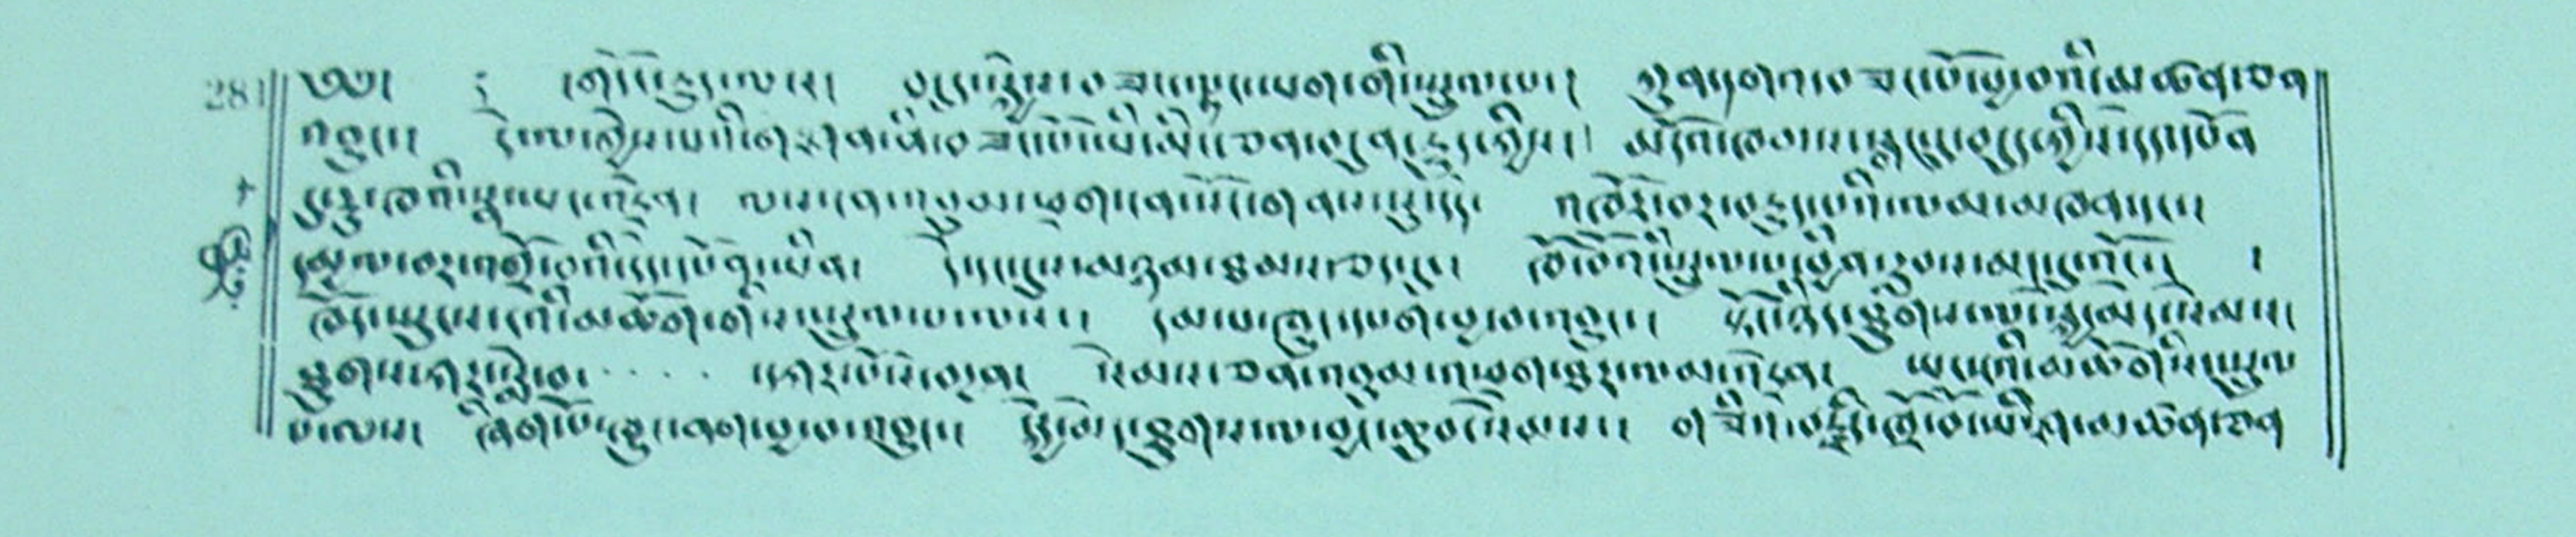༄༅། །གདོང་རྒྱུད་ལས། བདུད་སྐྱེས་བཟང་ལྟང་ཡག་གི་སྤྲུལ་བ། ཀུན་དགའ་བཟང་པོ་བྱ་བའི་མཚན་ཅན་
འབྱུང་། དེ་ལས་གྱེས་པའི་གེ་ཤན་ནི། བཟང་པོའི་མིང་ཅན་བདུན་རྒྱུད་ཀྱིས། མདོ་གམས་སྒང་་དུ་བདུད་ཀྱི་དེད་དཔོན་
དུ་རུ་ཀའི་སྣ་ཡང་འདྲེན། ལས་ངན་འབུམ་ཕྲག་ངན་སོང་གནས་སུ་དེད། འཁོར་བར་བརྒྱུད་པའི་ལམ་མཁན་དང་། 
དམྱལ་བར་འགྲོ་བའི་དེད་དཔོན་ཡིན། དེ་དང་དུས་མཉམ་ཐམས་ཅད་དུ། ཁོ་བོའི་སྤྲུལ་པ་བྱིན་རླབས་མང་དུ་འོང་ངོ་། 
།ཁོད་སྤུངས་ང་ཡི་མཆོག་གི་སྤྲུལ་པ་ལས། དམ་པ་ཁྱུང་འཕགས་བྱ་བ་འབྱུང་། སྟོང་ཉིད་ཐུགས་ལ་སྐྱེ་མེད་སེམས། 
ཐུགས་ཀར་སྨེ་བ་དཀར་པོས་བརྒྱན། སེམས་ཅན་འབུམ་ཕྲག་ཐར་ལམ་འདྲེན། ཡང་ང་ཡི་མཆོག་གི་སྤྲུལ་
པ་ལས། ཞིག་པོ་ཁྱུང་ནག་བྱ་བ་འབྱུང་། སྐྱེ་མེད་ཐུགས་ལ་བྱང་ཆུབ་སེམས། གཟི་བརྗིད་ཁྲོ་བོ་ཡི་ཤ་མཚན་ཅན།